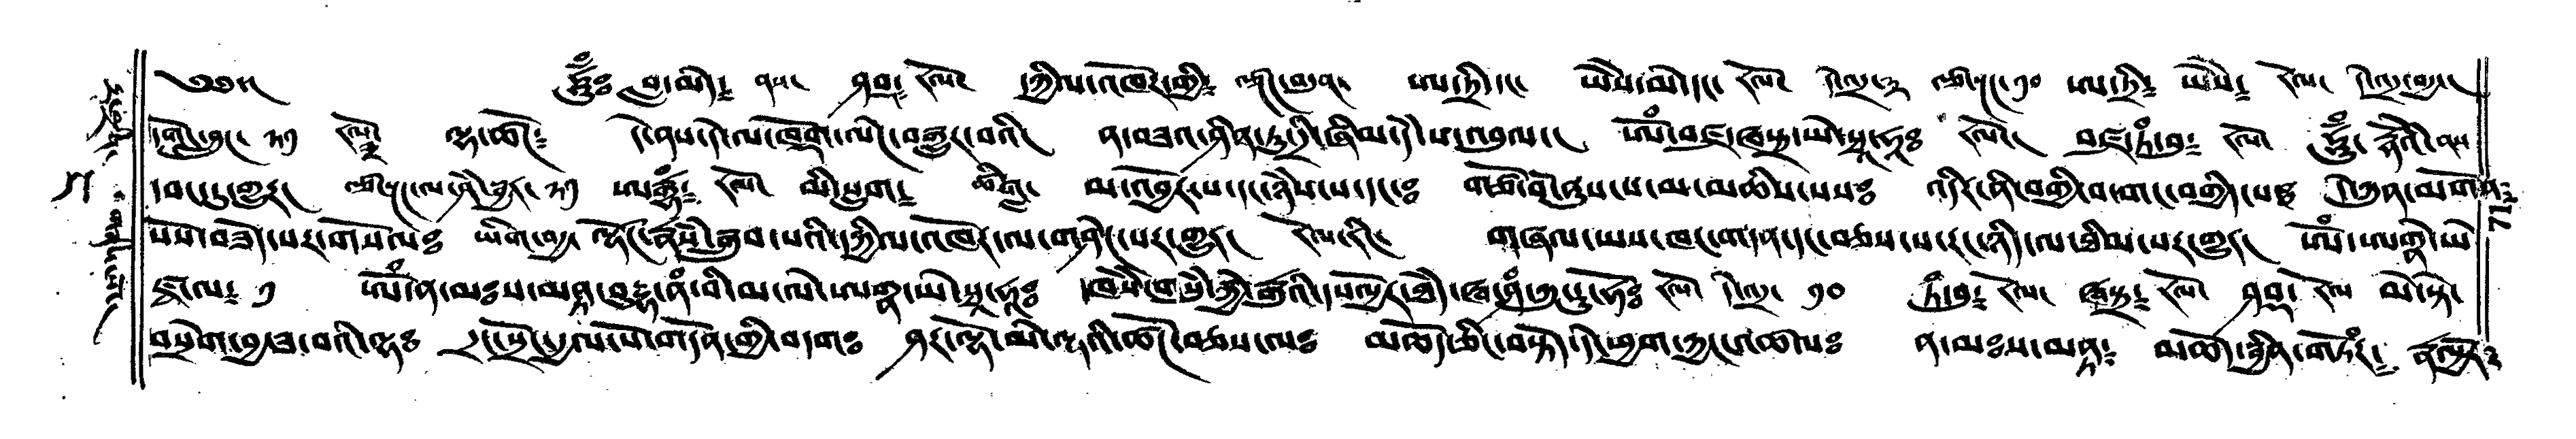ཧཱུྃཿ བླ་མེད༴ ནས། ཤབྡ༴ རོལ། དཀྱིལ་འཁོར་གྱི༴ རྩ་སྔགས་བདུན། ཨ་ཏྲི་དང་། ཡེ་ཤེས་མེ་དང༴ རོལ། དེ་འདྲ་གསུམ། རྩ་སྔགས་བཅུ། ཨ་ཏྲི༴ ཡེ་ཤེས༴ རོལ། དེ་འདྲ་བརྒྱ། 
དགང་བླུགས་ཉེར་གཅིག རོལ་གསུམ། ལྷ་ཚོགས༴ དེ་ནས་དེ་ལ་ཁ་དོག་ལེགས་བསྒྱུར་བའི། །ན་བཟའ་ཤིན་ཏུ་དྲི་ཞིམ་དམ་པ་འབུལ། ཨོཾ་བཛྲ་ཝསྟྲ་ཡེ་སྭ་ཧཱཿ རོལ། བཛྲ་ཏཾ་བུ༴ རོལ། ཧཱུྃ། རྡོ་རྗེའི་པའི་ནས་
དབང་དུ་གྱུར། རྩ་སྔགས་ལ་ཤམ་སྦྱར་ཉེར་གཅིག ཨརྒྷཾ༴ རོལ། མི་སྡུག༴ ཚིག་བཞི། མ་འབྱོར་པ་དང་ཉམས་པ་དངཿ གཙོ་བོ་ནུས་པ་མ་མཆིས་པསཿ འདིར་ནི་བགྱི་བ་གང་ནོངས་པཿ དེ་ཀུན་མགོན་
པོས་བཟོད་པར་གསོལཿ ཡིག་བརྒྱ། ལྷ་ཚོགས་རྣམས་སྒྲུབ་པའི་དཀྱིལ་འཁོར་ལ་གཤེགས་པར་གྱུར། རོལ་རིགས། གཞལ་ཡས་ཁང་གདན་དང་བཅས་པ་རང་ཉིད་ལ་ཐིམ་པར་གྱུར། ཨོཾ་ཨགྣེ་ཡེ་
ཛྭ་ལ༴ ཨོཾ་ན་མཿས་མནྟ་བུདྡྷ་ནཾ་བི་མ་ལེ་ཨགྣ་ཡེ་སྭ་ཧཱཿ ཁམས་གསུམ་སྐྱེ་རྒུའི་དཔལ་འབྱོར་ཐམས་ཅད་ཝ་ཤཾ་ཀུ་རུ་ཧོཿ རོལ། དེ་འདྲ་བཅུ། ཏམ་བུ༴ རོལ། ཝསྟྲ༴ རོལ། ཤབྡ༴ རོལ། མེ་སྟེ་
བསྲེག་བྱ་ཟ་བའི་ལྷཿ དྲང་སྲོང་རྒྱལ་པོ་གདོན་གྱི་བདགཿ ཤར་ལྷོ་མེ་ལྷའི་ཚོགས་བཅས་ལཿ མཆོད་ཅིང་བསྟོད་དེ་ཕྱག་ཀྱང་འཚལཿ ན་མཿས་མནྟ༴ མཆོད་སྦྱིན་གཏོར་མ༴ རྣལ་འབྱོར་